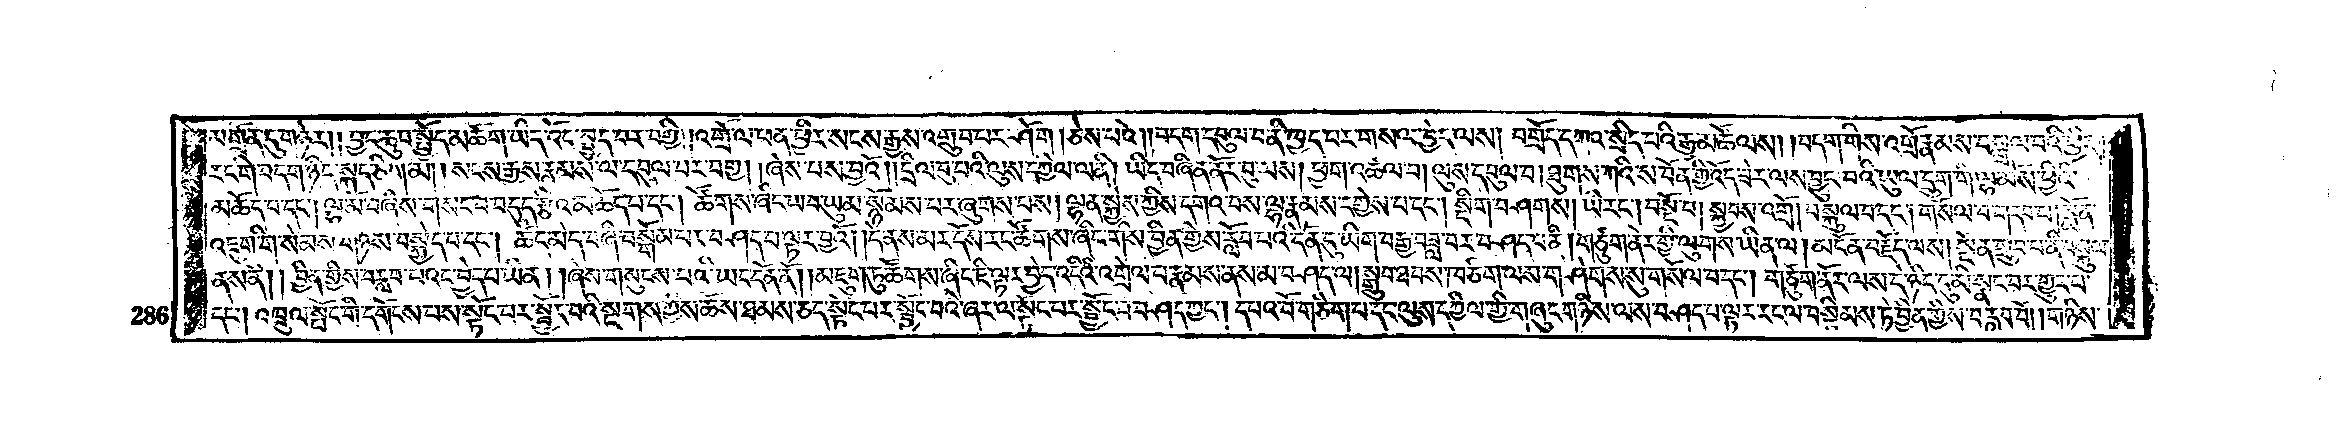མགྲོན་དུ་གཉེར། །བྱང་ཆུབ་སྤྱོད་མཆོག་ཡིད་འོང་སྤྱད་པར་བགྱི། །འགྲོ་ལ་ཕན་ཕྱིར་སངས་རྒྱས་འགྲུབ་པར་ཤོག །ཅེས་པའོ། །བདག་དབུལ་བ་ནི་ཁྱད་པར་གསལ་བྱེད་ལས། བགྲོད་དཀའ་སྲིད་པའི་རྒྱ་མཚོ་ལས། །བདག་གིས་འགྲོ་རྣམས་བསྒྲལ་བའི་ཕྱིར། །
རང་གི་བདག་ཉིད་སྐད་ཅིག་མ། །སངས་རྒྱས་རྣམས་ལ་དབུལ་བར་བགྱི། །ཞེས་པས་བྱའོ། །དྲིལ་བུ་པའི་ལུས་དཀྱིལ་ལ་ནི། ཡིད་བཞིན་ནོར་བུ་ལས། ཕྱག་འཚལ་བ། ལུས་དབུལ་བ། ཐུགས་ཀའི་ས་བོན་གྱི་འོད་ཟེར་ལས་བྱུང་བའི་ཡུལ་དྲུག་གི་ལྷ་མོས་ཕྱིའི་
མཆོད་པ་དང་། ལྷ་མོ་བཞིས་གསང་བ་བདུད་རྩིའི་མཆོད་པ་དང་། ཚོགས་ཞིང་ཡབ་ཡུམ་སྙོམས་པར་ཞུགས་པས། ལྷན་སྐྱེས་ཀྱིས་དགའ་བས་ལྷ་རྣམས་དགྱེས་པ་དང་། སྡིག་བཤགས། ཡི་རང་། བསྔོ་བ། སྐྱབས་འགྲོ། བསྐུལ་བ་དང་། གསོལ་བ་གདབ་པ། སྨོན་
འཇུག་གི་སེམས་གཉིས་བསྐྱེད་པ་དང་། ཚད་མེད་བཞི་བསྒོམ་པར་བཤད་པ་ལྟར་བྱའོ། །དེ་ནས་མར་དོས་རང་ཚོགས་ཞིང་གིས་བྱིན་གྱིས་རློབ་པའི་དོན་དུ་ཡིག་བརྒྱ་བཟླ་བར་བཤད་པ་ནི། གཙུག་ནོར་གྱི་ལུགས་ཡིན་ལ། མངོན་བརྗོད་ལས། སྔོན་གྲུབ་པ་ནི་བསྐུལ་
ནས་ནི། །བྱིན་གྱིས་བརླབ་པའང་བྱེད་པ་ཡིན། །ཞེས་གསུངས་པའི་ཡང་དོན་ནོ། །མཇུག་ཏུ་ཚོགས་ཞིང་ཇི་ལྟར་བྱེད་འདིའི་འགྲེལ་པ་རྣམས་ནས་མ་བཤད་ལ། སྒྲུབ་ཐབས་ཁ་ཅིག་ལས་གཤེགས་སུ་གསོལ་བ་དང་། གཙུག་ནོར་ལས་དེ་ཉིད་དུ་མི་སྣང་བར་གྱུར་པ་
དང་། འཁྲུལ་སྤོང་གི་དགོངས་པས་སྟོང་པར་སྦྱོར་བའི་སྔགས་ཀྱིས་ཆོས་ཐམས་ཅད་སྟོང་པར་སྦྱོང་བའི་ཞར་ལ་སྟོང་པར་སྦྱོང་བ་བཤད་ཀྱང་། དཔའ་བོ་གཅིག་པ་དང་ལུས་དཀྱིལ་གྱི་གཞུང་གཉིས་ལས་བཤད་པ་ལྟར་རང་ལ་བསྟིམས་ཏེ་བྱིན་གྱིས་བརླབ་བོ། །གཉིས་